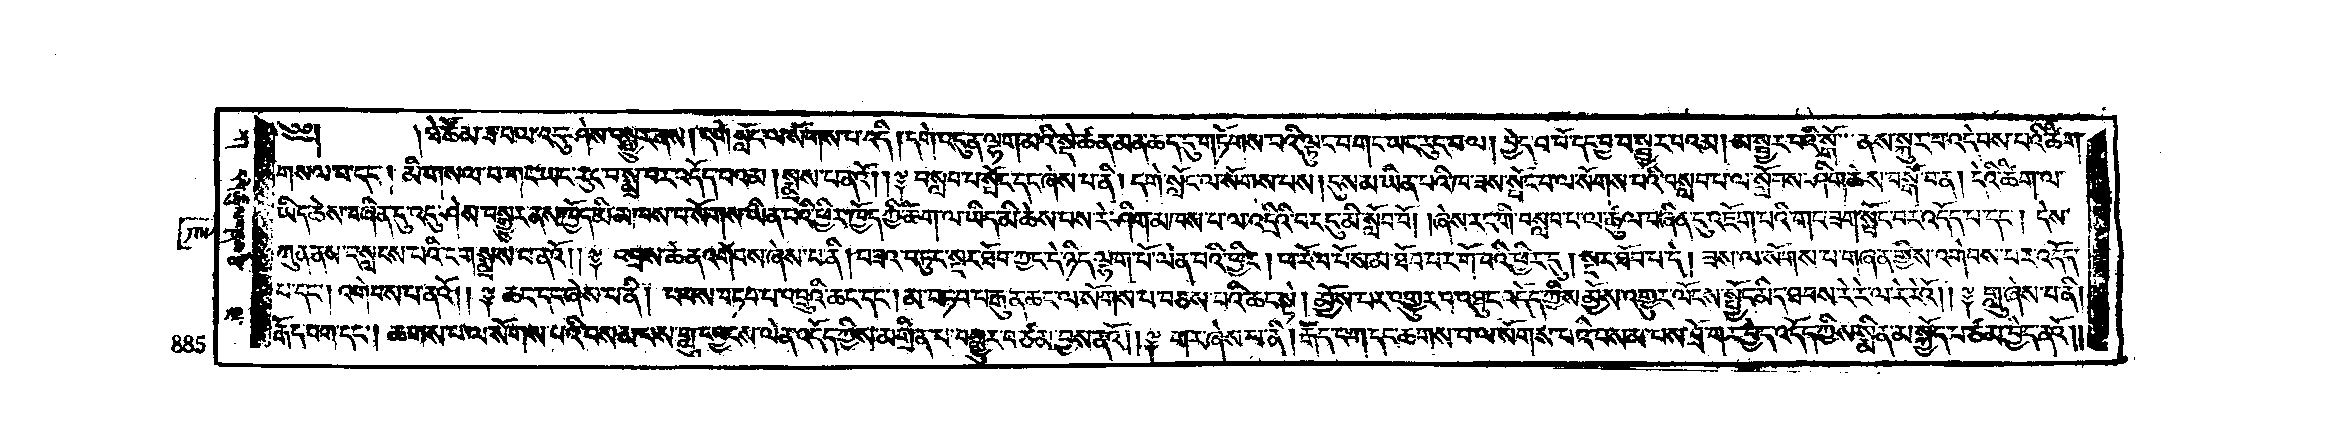༄༅། །ཐེ་ཚོམ་ཟ་བ་ལ་འདུ་ཤེས་བསྒྱུར་ནས། དགེ་སློང་ལ་སོགས་པ་འདི། དགེ་འདུན་ལྷག་མའི་སྡེ་ཚན་མན་ཆད་དུ་གཏོགས་པའི་ལྟུང་བ་གང་ཡང་རུང་བ་ལ། བྱེད་པ་པོ་དང་བྱ་བ་སྦྱར་བའམ། མ་སྦྱར་བའི་སྒོ་ནས་སྐུར་བ་འདེབས་པའི་ཚིག་
གསལ་བ་དང་། མི་གསལ་བ་གང་ཡང་རུང་བ་སྨྲ་བར་འདོད་པའམ། སྨྲས་པ་ནའོ། ། ༈ བསླབ་པ་སྤོང་དང་ཞེས་པ་ནི། དགེ་སློང་ལ་སོགས་པས། དུས་མ་ཡིན་པའི་ཁ་ཟས་སྤོང་བ་ལ་སོགས་པའི་བསླབ་པ་ལ་སློབས་ཤིག་ཆེས་བསྒོ་བ་ན། དེའི་ཚིགས་ལ་
ཡིད་ཆེས་བཞིན་དུ་འདུ་ཤེས་བསྒྱུར་ནས་ཁྱོད་མི་མཁས་པ་སོགས་ཡིན་པའི་ཕྱིར་ཁྱོད་ཀྱི་ཚིག་ལ་ཡིད་མི་ཆེས་པས་རེ་ཤིག་མཁས་པ་ལ་འདྲིའི་བར་དུ་མི་སློབ་བོ། །ཞེས་རང་གི་བསླབ་པ་ལ་ཚུལ་བཞིན་དུ་འཇོག་པའི་གང་ཟག་སྤོང་བར་འདོད་པ་དང་། དེས་
ཀུན་ནས་བསླངས་པའི་ངག་སྨྲས་པ་ནའོ། ། ༈ འབྲས་ཆེན་འགོབས་ཞེས་པ་ནི། བཟའ་བཏུང་སྔར་ཐོབ་ཀྱང་དེ་ཉིད་ལྷག་པོ་ལེན་པའི་ཕྱིར། ཕ་རོལ་པོས་མ་ཐོབ་པར་གོ་བའི་ཕྱིར་དུ། སྔར་ཐོབ་པ་དེ། ཟས་ལ་སོགས་པ་གཞན་གྱིས་འགེབས་པར་འདོད་
པ་དང་། འགེབས་པ་ནའོ། ། ༈ ཆང་དང་ཞེས་པ་ནི། ཕབས་བཏབ་པ་འབྲུའི་ཆང་དང་། མ་བཏབ་པ་རྒུན་ཆང་ལ་སོགས་པ་བཅས་པའི་ཆང་སྟེ། མྱོས་པར་འགྱུར་བ་འཐུང་འདོད་ཀྱིས་མྱོས་འགྱུར་ལོངས་སྤྱོད་མིད་ཐབས་རེ་རེ་ལ་རེ་རེའོ། ། ༈ གླུ་ཞེས་པ་ནི།
རྒོད་བག་དང་། ཆགས་པ་ལ་སོགས་པའི་བསམ་པས་གླུ་དབྱངས་ལེན་འདོད་ཀྱིས་མགྲིན་པ་བསྒྱུར་བ་ཙམ་བྱས་ནའོ། ། ༈ གར་ཞེས་པ་ནི། རྒོད་བག་དང་ཆགས་པ་ལ་སོགས་པའི་བསམ་པས་བྲོ་གར་བྱེད་འདོད་ཀྱིས་སྨིན་མ་སྐྱོད་པ་ཙམ་བྱེད་ནའོ།།